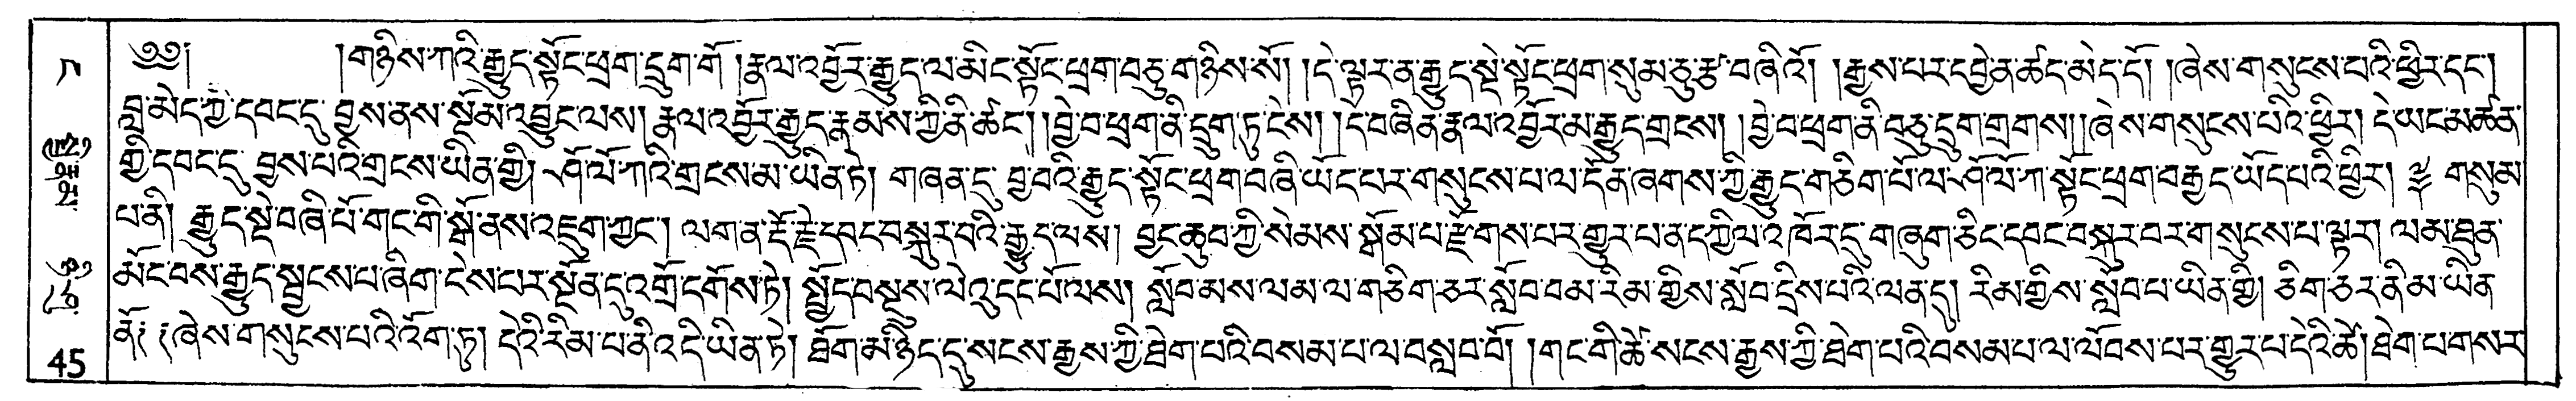༄༅། །གཉིས་ཀའི་རྒྱུད་སྟོང་ཕྲག་དྲུག་གོ །རྣལ་འབྱོར་རྒྱུད་ལ་མིང་སྟོང་ཕྲག་བཅུ་གཉིས་སོ། །དེ་ལྟར་ན་རྒྱུད་སྡེ་སྟོང་ཕྲག་སུམ་ཅུ་རྩ་བཞིའོ། །རྒྱས་པར་དབྱེ་ན་ཚད་མེད་དོ། །ཞེས་གསུངས་པའི་ཕྱིར་དང་།
བླ་མེད་ཀྱི་དབང་དུ་བྱས་ནས་སྡོམ་འབྱུང་ལས། རྣལ་འབྱོར་རྒྱུད་རྣམས་ཀྱི་ནི་ཚད། །བྱེ་བ་ཕྲག་ནི་དྲུག་ཏུ་ངེས། །དེ་བཞིན་རྣལ་འབྱོར་མ་རྒྱུད་གྲངས། །བྱེ་བ་ཕྲག་ནི་བཅུ་དྲུག་གྲགས། །ཞེས་གསུངས་པའི་ཕྱིར། དེ་ཡང་མཚན་
གྱི་དབང་དུ་བྱས་པའི་གྲངས་ཡིན་གྱི། ཤོ་ལོ་ཀའི་གྲངས་མ་ཡིན་ཏེ། གཞན་དུ་བྱ་བའི་རྒྱུད་སྟོང་ཕྲག་བཞི་ཡོད་པར་གསུངས་པ་ལ་དོན་ཞགས་ཀྱི་རྒྱུད་གཅིག་པོ་ལ་ཤོ་ལོ་ཀ་སྟོང་ཕྲག་བརྒྱད་ཡོད་པའི་ཕྱིར། ༈ གསུམ་
པ་ནི། རྒྱུད་སྡེ་བཞི་པོ་གང་གི་སྒོ་ནས་འཇུག་ཀྱང་། ལག་ན་རྡོ་རྗེ་དབང་བསྐུར་བའི་རྒྱུད་ལས། བྱང་ཆུབ་ཀྱི་སེམས་སྒོམ་པ་རྫོགས་པར་གྱུར་པ་ན་དཀྱིལ་འཁོར་དུ་གཞུག་ཅིང་དབང་བསྐུར་བར་གསུངས་པ་ལྟར། ལམ་ཐུན་
མོང་བས་རྒྱུད་སྦྱངས་པ་ཞིག་ངེས་པར་སྔོན་དུ་འགྲོ་དགོས་ཏེ། སྤྱོད་བསྡུས་ལེའུ་དང་པོ་ལས། སློབ་མས་ལམ་ལ་གཅིག་ཅར་སློབ་བམ་རིམ་གྱིས་སློབ་དྲིས་པའི་ལན་དུ། རིམ་གྱིས་སློབ་པ་ཡིན་གྱི། ཅིག་ཅར་ནི་མ་ཡིན་
ནོ། །ཞེས་གསུངས་པའི་འོག་ཏུ། དེའི་རིམ་པ་ནི་འདི་ཡིན་ཏེ། ཐོག་མ་ཉིད་དུ་སངས་རྒྱས་ཀྱི་ཐེག་པའི་བསམ་པ་ལ་བསླབ་བོ། །གང་གི་ཚེ་སངས་རྒྱས་ཀྱི་ཐེག་པའི་བསམ་པ་ལ་ལོབས་པར་གྱུར་པ་དེའི་ཚེ། ཐེག་པ་གསར་